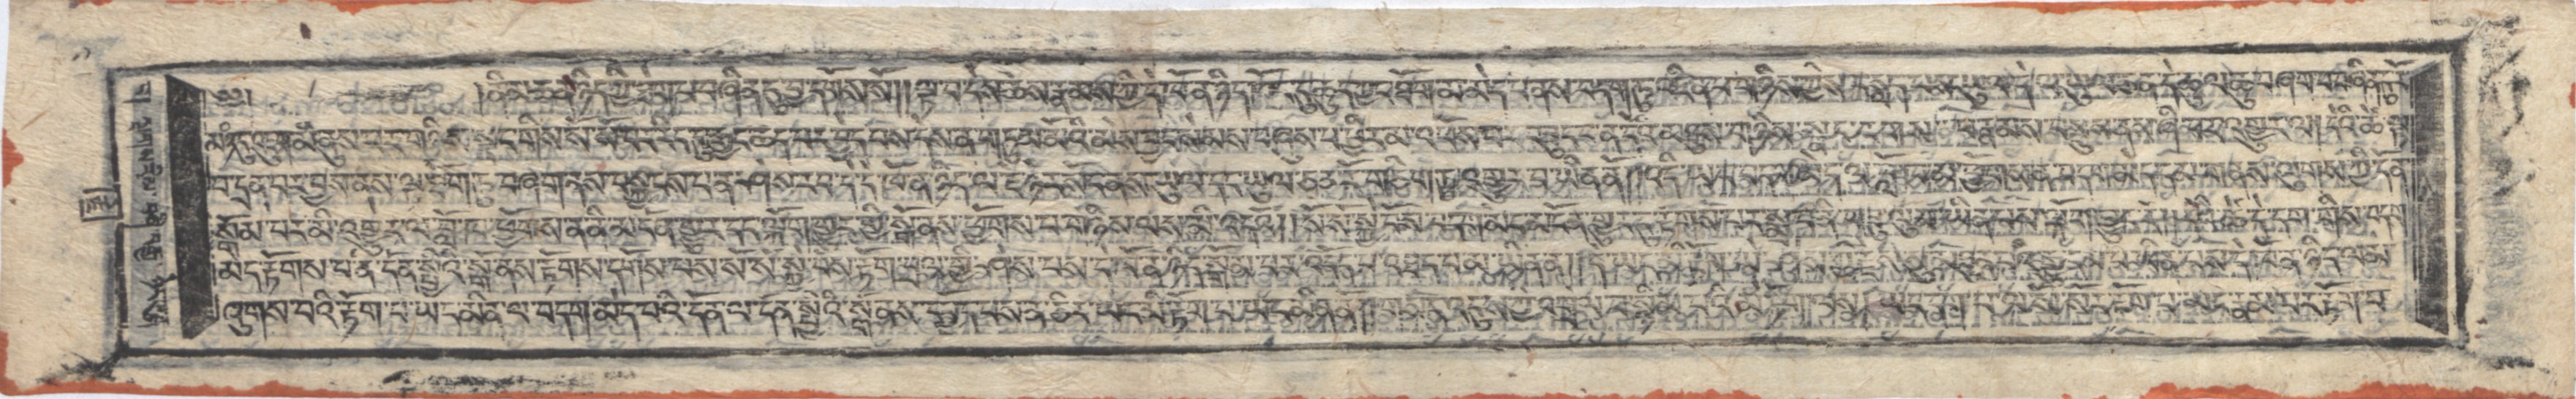༄༅། །ནི་མཚན་ཉིད་ཀྱི་ཐེག་པ་བཞིན་དུ་བྱ་དགོས་སོ། །ལྟ་བ་དེས་ཆོས་རྣམས་ཀྱི་དེ་ཁོ་ན་ཉིད་ཁོང་དུ་ཆུད་ཀྱང་ཐོག་མ་མེད་པ་ནས་བདག་ཏུ་འཛིན་པ་གཉིས་ཀྱིས་བསླད་པས་ཡུལ་དེ་ལ་ཡུལ་ཅན་དེ་ཆུ་ལ་ཆུ་བཞག་པ་བཞིན་དུ་རོ།
མཉམ་དུ་འཇུག་མི་ནུས་པར་གཉིས་སྣང་གིས་སོ་སོ་བར་རིང་དུ་རྒྱང་ཆད་པར་བྱེད་པས་དེས་ན་གཏུམ་མོའི་མེས་བྱང་སེམས་བཞུས་པ་ཕྱིར་མ་འཕོས་པར་བཟུང་བ་ན་དེའི་མཐུས་གཉིས་སྣང་རགས་པ་རྣམས་བསྡུས་ནས་ཞི་བར་འགྱུར་ལ། དེའི་ཚེ་ལྟ་
བ་དྲན་པར་བྱས་ནས་ལྟ་ཐོག་ཏུ་བཞག་ནས་བསྐྱངས་པ་ན་ཤེས་རབ་དེ་དེ་ཁོ་ན་ཉིད་ལ་ཇེ་ཉེར་སོང་ནས་ཡུལ་དང་ཡུལ་ཅན་རོ་གཅིག་ཏུ་འགྱུར་བ་ཡིན་ནོ། །འདི་ཡང་བདག་མེད་ལ་བློ་ཁ་མ་ཕྱོགས་ན་བདག་མེད་དམ་གནས་ལུགས་ཀྱི་དོན་
སྒོམ་པར་མི་འགྱུར་ལ་བློ་ཁ་ཕྱོགས་ན་ནི་མངོན་གྱུར་དང་ལྐོག་གྱུར་གྱི་སྒོ་ནས་ཕྱོགས་པ་གཉིས་ལས་མི་འདའོ། །སོ་སོ་སྐྱེ་བོས་བདག་མེད་མངོན་གྱུར་དུ་རྟོགས་པར་སྨྲ་བ་ནི་གཟུ་ལུམ་ཡིན་པས་ལྐོག་གྱུར་རོ། །དེའི་ཚེ་དེ་དག་གིས་བདག་
མེད་རྟོགས་པ་ནི་དོན་སྤྱིའི་སྒོ་ནས་རྟོགས་དགོས་པས་སོ་སོ་སྐྱེ་བོས་རྟོག་བྲལ་གྱི་ཤེས་པས་དེ་ཁོ་ན་ཉིད་སྒོམ་པར་འདོད་པ་འཐད་པ་མ་ཡིན་ན། །དེ་ཡང་མི་རྟོག་ཡེ་ཤེས་ཀྱི་རྗེས་སུ་མཐུན་པའི་རྒྱུ་དམ་པ་ཡིན་པས་དེ་ཁོ་ན་ཉིད་ལམ་
ཞུགས་པའི་རྟོག་པ་ཡང་མིན་ལ་བདག་མེད་པའི་དོན་ལ་དོན་སྤྱིའི་སྒོ་ནས་དཔྱོད་པས་ན་ཅིར་ཡང་མི་རྟོག་པ་ཡང་མིན་ནོ། །གསང་འདུས་ཀྱི་འགྲེལ་བ་སྙིམ་པའི་མེ་ཏོག་ལས། ཡང་དག་པ་ལ་སོ་སོར་རྟོག་པ་ཡང་རྣམ་པར་རྟོག་པ་